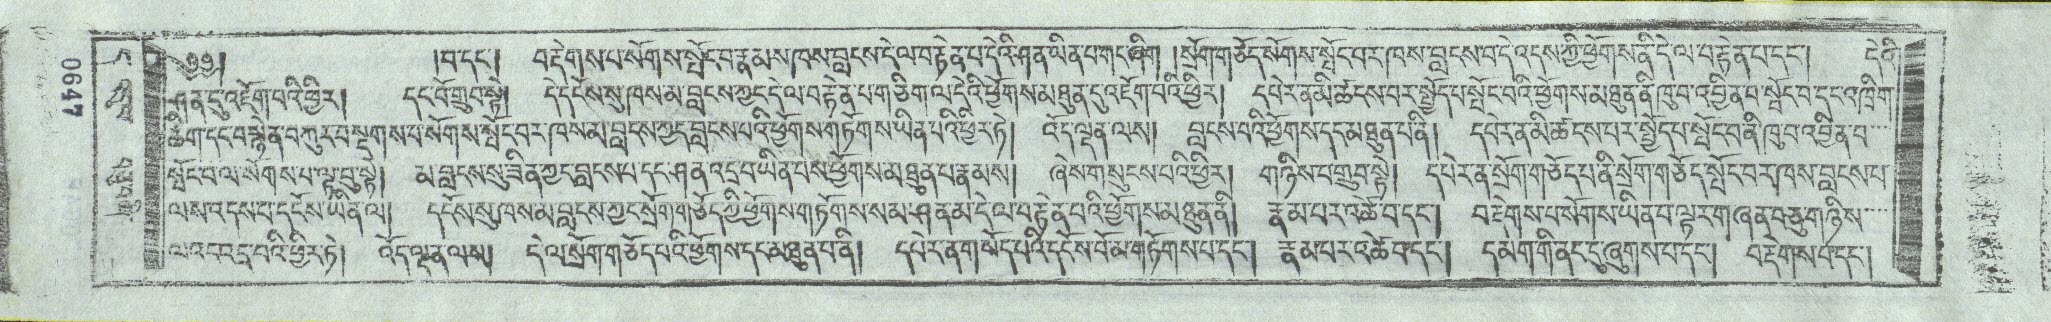༄༅། །བ་དང་། བརྡེགས་པ་སོགས་སྤོང་བ་རྣམས་ཁས་བླངས་དེ་ལ་བརྟེན་པ་དེའི་ཤན་ཡིན་པ་གང་ཞིག །སྲོག་གཅོད་སོགས་སྤོང་བར་ཁས་བླངས་པ་དེ་འདས་ཀྱི་ཕྱོགས་ནི་དེ་ལ་བརྟེན་པ་དང་། དེའི་
ཤན་དུ་འཇོག་པའི་ཕྱིར། དང་པོ་གྲུབ་སྟེ། དེ་དངོས་སུ་ཁས་མ་བླངས་ཀྱང་དེ་ལ་བརྟེན་པ་གཅིག་ལ་དེའི་ཕྱོགས་མཐུན་དུ་འཇོག་པའི་ཕྱིར། དཔེར་ན་མི་ཚངས་པར་སྤྱོད་པ་སྤོང་བའི་ཕྱོགས་མཐུན་ནི་ཁུ་བ་འབྱིན་པ་སྤོང་བ་དང་འཁྲིག་
ཚིག་དང་བསྙེན་བཀུར་བསྔགས་པ་སོགས་སྤོང་བར་ཁས་མ་བླངས་ཀྱང་བླངས་པའི་ཕྱོགས་གཏོགས་ཡིན་པའི་ཕྱིར་ཏེ། འོད་ལྡན་ལས། བླངས་པའི་ཕྱོགས་དང་མཐུན་པ་ནི། དཔེར་ན་མི་ཚངས་པར་སྤྱོད་པ་སྤོང་བ་ནི་ཁུ་པ་འབྱིན་པ་
སྤོང་བ་ལ་སོགས་པ་ལྟ་བུ་སྟེ། མ་བླངས་སུ་ཟིན་ཀྱང་བླངས་པ་དང་ཤན་འདྲ་བ་ཡིན་པས་ཕྱོགས་མཐུན་པ་རྣམས། ཞེས་གསུངས་པའི་ཕྱིར། གཉིས་པ་གྲུབ་སྟེ། དཔེར་ན་སྲོག་གཅོད་པ་ནི་སྲོག་གཅོད་སྤོང་བར་ཁས་བླངས་པ་
ལས་འདས་པ་དངོས་ཡིན་ལ། དངོས་སུ་ཁས་མ་བླངས་ཀྱང་སྲོག་གཅོད་ཀྱི་ཕྱོགས་གཏོགས་སམ་ཤན་མ་དེ་ལ་བརྟེན་པའི་ཕྱོགས་མཐུན་ནི། རྣམ་པར་འཚེ་བ་དང་། བརྡེགས་པ་སོགས་ཡིན་པ་ལྟར་གཞན་བཅུ་གཉིས་
ལའང་འདྲ་བའི་ཕྱིར་ཏེ། འོད་ལྡན་ལས། དེ་ལ་སྲོག་གཅོད་པའི་ཕྱོགས་དང་མཐུན་པ་ནི། དཔེར་ན་གསོད་པའི་དངོས་པོ་མ་གཏོགས་པ་དང་། རྣམ་པར་འཚེ་བ་དང་། དམག་གི་ནང་དུ་ཞུགས་པ་དང་། བརྡེགས་པ་དང་།